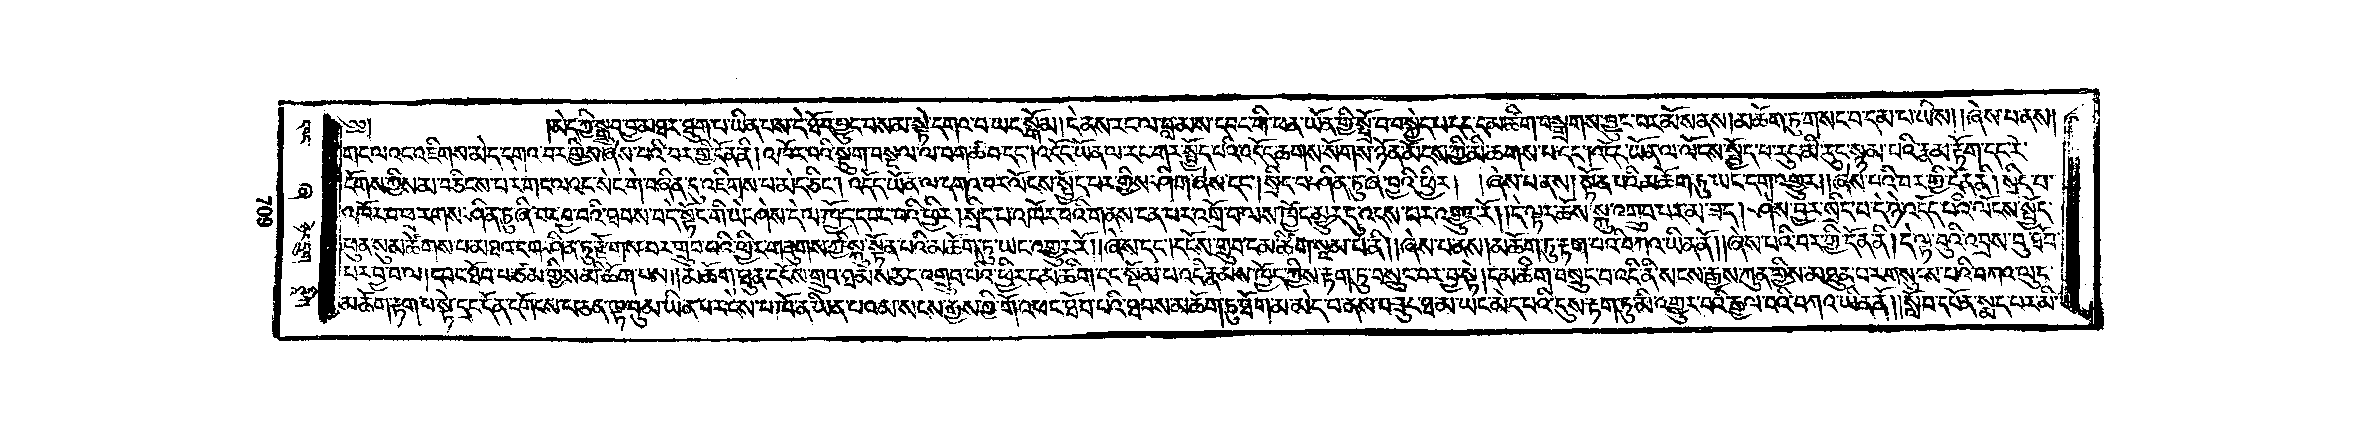༄༅། །མེད་ཀྱི་སྒྲུབ་བྱ་མཐར་ཐུག་པ་ཡིན་པས་དེ་ཐོབ་བྱུང་བསམ་སྟེ་དགའ་བ་ཡང་སྒོམ། དེ་ནས་རང་ལ་བླ་མས་དབང་གི་ཕན་ཡོན་གྱི་སྤྲོ་བ་བསྐྱེད་པ་དང་དམ་ཚིག་བསྒྲགས་བྱུང་བར་མོས་ནས། མཆོག་ཏུ་གསང་བ་དམ་པ་ཡིས། །ཞེས་པ་ནས།
གང་ལའང་འཇིགས་མེད་དགའ་བར་གྱིས་ཞེས་པའི་བར་གྱི་དོན་ནི། འཁོར་བའི་སྡུག་བསྔལ་ལ་བག་ཚ་བ་དང་། འདོད་ཡོན་ལ་རང་གར་སྤྱོད་པའི་འདོད་ཆགས་སོགས་ཉོན་མོངས་ཀྱི་མི་ཆགས་པ་དང་། འདོད་ཡོན་ལ་ལོངས་སྤྱོད་པ་རུང་མི་རུང་སྙམ་པའི་རྣམ་རྟོག་དང་རེ་
དོགས་ཀྱི་མ་བཅིངས་པར་གང་ལའང་སེང་གེ་བཞིན་དུ་འཇིགས་པ་མེད་ཅིང་། འདོད་ཡོན་ལ་དགའ་བར་ལོངས་སྤྱོད་པར་གྱིས་ཤིག་ཞེས་དང་། སྲིད་པ་ཤིན་ཏུ་ཞེ་བྱའི་ཕྱིར། །ཞེས་པ་ནས། སྟོན་པའི་མཆོག་ཏུ་ཡང་དག་འགྱུར། །ཞེས་པའི་བར་གྱི་དོན་ནི། སྲིད་པ་
འཁོར་བ་ཕྲ་རགས་ཤིན་ཏུ་ཞི་བར་བྱ་བའི་ཐབས་བདེ་སྟོང་གི་ཡེ་ཤེས་དེ་ལ་ཁྱོད་དབང་བའི་ཕྱིར། སྲིད་པ་འཁོར་བའི་གནས་ངན་པར་འགྲོ་བ་ལས་ཁྱོད་མྱུར་དུ་འདས་པར་འགྱུར་རོ། །དེ་ལྟར་ཆོས་སྐུ་འགྲུབ་པར་མ་ཟད། ཤེས་བྱར་སྲིད་པ་དེ་ཉེ་འདོད་པའི་ལོངས་སྤྱོད་
ཕུན་སུམ་ཚོགས་པ་མཐའ་དག་ཤིན་ཏུ་རྫོགས་པར་གྲུབ་པའི་ཕྱིར་གཟུགས་ཀྱི་སྐུ་སྟོན་པའི་མཆོག་ཏུ་ཡང་འགྱུར་རོ། །ཞེས་དང་། དངོས་གྲུབ་དམ་ཚིག་སྡམ་པ་ནི། །ཞེས་པ་ནས། མཆོག་ཏུ་རྟག་པའི་བཀའ་ཡིན་ནོ། །ཞེས་པའི་བར་གྱི་དོན་ནི། དེ་ལྟ་བུའི་འབྲས་བུ་ཐོབ་
པར་བྱ་བ་ལ། དབང་ཐོབ་པ་ཙམ་གྱིས་མི་ཆོག་པས། །མཆོག་ཐུན་དངོས་གྲུབ་ཐམས་ཅད་འགྲུབ་པའི་ཕྱིར་དམ་ཚིག་དང་སྡོམ་པ་འདི་རྣམས་ཁྱོད་ཀྱིས་རྟག་ཏུ་བསྲུང་བར་བྱ་སྟེ། དམ་ཚིག་བསྲུང་བ་འདི་ནི་སངས་རྒྱས་ཀུན་གྱིས་མཐུན་པར་གསུངས་པའི་བཀའ་ལུང་
མཆོག་རྟག་པ་སྟེ་དྲང་དོན་དགོངས་པ་ཅན་ལྟ་བུ་མ་ཡིན་པར་ངེས་པ་ཁོ་ན་ཡིན་པའམ་སངས་རྒྱས་ཀྱི་གོ་འཕང་ཐོབ་པའི་ཐབས་མཆོག་ཏུ་ཐོག་མ་མེད་པ་ནས་བཟུང་ཐ་མ་ཡང་མེད་པའི་དུས་རྟག་ཏུ་མི་འགྱུར་བའི་རྒྱལ་བའི་བཀའ་ཡིན་ནོ། །སློབ་དཔོན་སྨད་པར་མི་